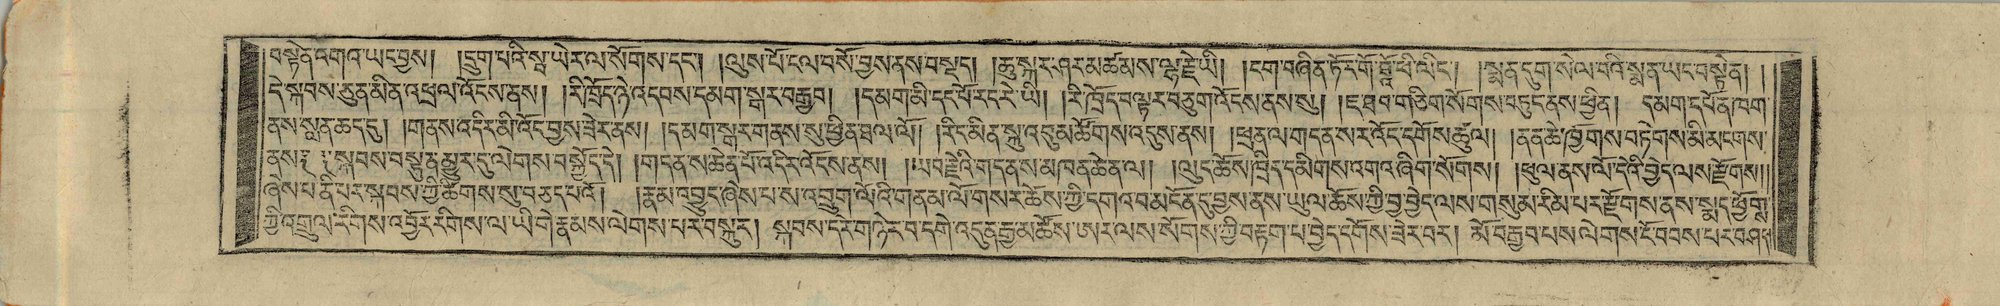བསྟེན་འགའ་ཡང་བྱས། །དྲུག་པའི་སྦ་ཡེར་ལ་སོགས་དང་། །ལུས་པོ་ངལ་བསོ་བྱས་ནས་བསྡད། །ཆུ་སྐར་ཤར་མཚམས་ལྷ་རྗེ་ཡི། །ངག་བཞིན་ཏོར་གོ་ཐO་ཕི་ལིང་། །སྨན་དུག་སེལ་བའི་སྨན་ཡང་བསྟེན། །
དེ་སྐབས་ཅུན་མིན་འཕྲལ་འོངས་ནས། །རི་ཁྲོད་ཉེ་འདབས་དམག་སྒར་བརྒྱབ། །དམག་མི་དང་པོ་རང་རེ་ཡི། །རི་ཁྲོད་བལྟར་བཅུག་འོངས་ནས་སུ། །ཇ་ཐབ་གཅིག་སོགས་བཏུང་ནས་ཕྱིན། དམག་དཔོན་ཁག་
ནས་སླན་ཆད་དུ། །གནས་འདིར་མི་འོང་བྱས་ཟེར་ནས། །དམག་སྒར་གནས་སུ་ཕྱིན་ཐལ་ལོ། །རིང་མིན་སྐུ་འབུམ་ཚོགས་འདུས་ནས། །ཕྲན་ལ་གདན་སར་འོང་དགོས་ཚུལ། །ནན་ཆེ་ཁྱོགས་བཏེགས་མི་མངགས་
ནས། །སྐབས་བསྟུན་མྱུར་དུ་ལེགས་བསྐྱོད་དེ། །གདན་ས་ཆེན་པོ་འདིར་འོངས་ནས། །ཡབ་རྗེའི་གདན་ས་མཁན་ཆེན་ལ། །ལུང་ཆོས་ཁྲིད་དམིགས་འགའ་ཞིག་སོགས། །ཕུལ་ནས་ལོ་དེའི་བྱེད་ལས་རྫོགས། །
ཞེས་པ་ནི་པར་སྐབས་ཀྱི་ཚིགས་སུ་བཅད་པའོ། །རྣམ་འབྱུང་ཞེས་པ་ས་འབྲུག་ལོའི་གནམ་ལོ་གསར་ཆོས་ཀྱི་དགའ་བ་མངོན་དུ་བྱས་ནས་ཡུལ་ཆོས་ཀྱི་བྱ་བྱེད་ལས་གསུམ་རིམ་པར་རྫོགས་ནས་སྨད་ཕྱོགས་
ཀྱི་འགྲུལ་རིགས་འབྱོར་རིགས་ལ་ཡི་གེ་རྣམས་ལེགས་པར་བསྐུར། སྐབས་དེར་གཉེར་བ་དགེ་འདུན་རྒྱ་མཚོས་ཨར་ལས་སོགས་ཀྱི་བརྟག་པ་བྱེད་དགོས་ཟེར་བར། མོ་བརྒྱབ་པས་ལེགས་ངོ་བབས་པར་བཤད།